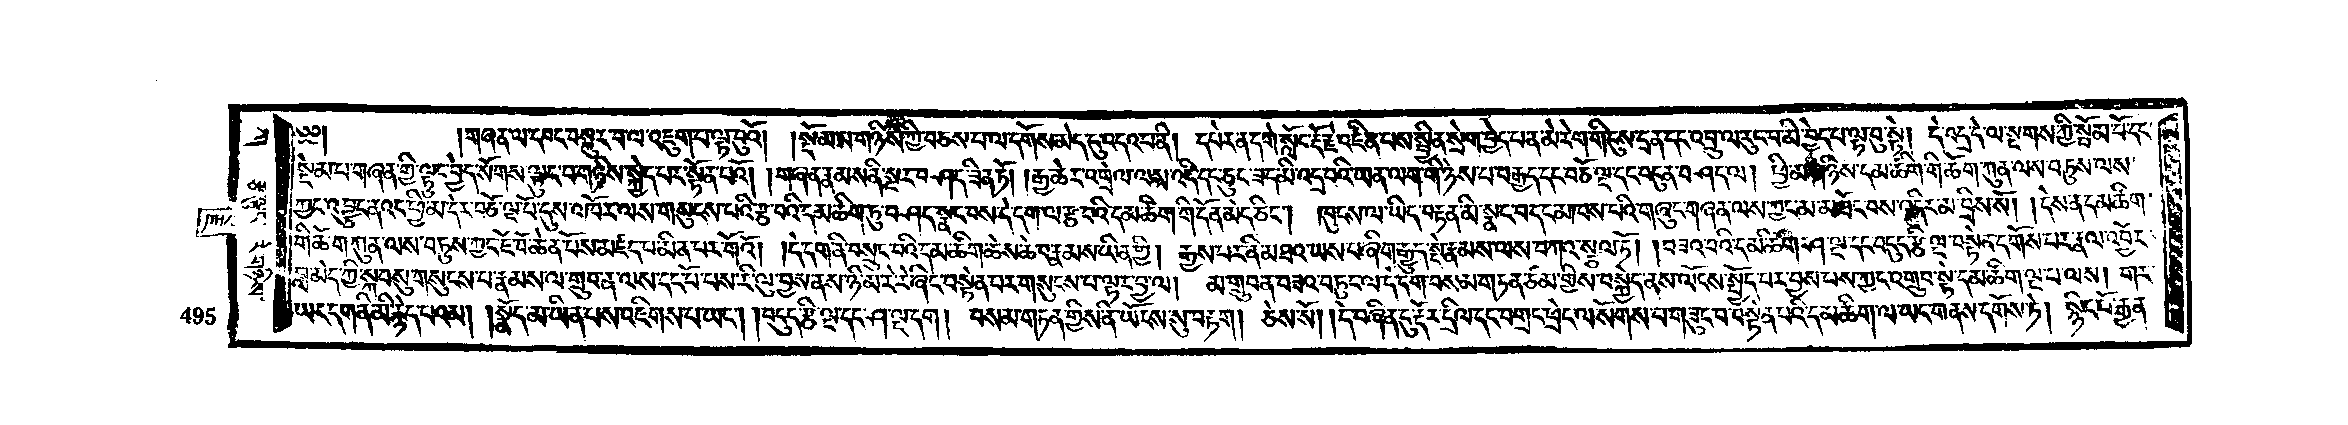༄༅། །གཞན་ལ་དབང་བསྐུར་བ་ལ་འཇུག་པ་ལྟ་བུའོ། །སྡོམ་པ་གཉིས་ཀྱི་བཅས་པ་ལ་དགོས་མེད་དུ་འདའ་བ་ནི། དཔེར་ན་དགེ་སློང་རྡོ་རྗེ་འཛིན་པས་སྦྱིན་སྲེག་བྱེད་པ་ན་མེ་རེག་གི་དུས་དྲན་དང་འབྲུ་ལ་རུང་བ་མི་བྱེད་པ་ལྟ་བུ་སྟེ། དེ་འདྲ་དེ་ལ་སྔགས་ཀྱི་སྦོམ་པོ་དང་
སྡེམ་པ་གཞན་གྱི་ལྟུང་བྱེད་སོགས་ལྟུང་བ་གཉིས་སྐྱེད་པར་སྟོན་པའོ། །གཞན་རྣམས་ནི་སྔར་བཤད་ཟིན་ཏོ། །རྒྱ་ཆེར་འགྲེལ་ལས་འདི་དང་ཅུང་ཟད་མི་འདྲ་བའི་ཡན་ལག་གི་ཉེས་པ་བརྒྱད་དང་བཅོ་ལྔ་དང་བདུན་བཤད་ལ། ཕྱི་མ་གཉིས་དམ་ཚིག་གི་ཆོག་ཀུན་ལས་བཏུས་ལས་
ཀྱང་འབྱུང་ནའང་ཕྱི་མ་དེར་བཅོ་ལྔ་པོ་དུས་འཁོར་ལས་གསུངས་པའི་རྩ་བའི་དམ་ཚིག་ཏུ་བཤད་སྣང་བས་དེ་དག་ལ་རྩ་བའི་དམ་ཚིག་གི་དོན་མེད་ཅིང་། ཁུངས་ལ་ཡིད་བརྟན་མི་སྣང་བ་དང་མཁས་པའི་གཞུང་གཞན་ལས་ཀྱང་མ་མཐོང་བས་འདིར་མ་བྲིས་སོ། །དེས་ན་དམ་ཚིག་
གི་ཆོ་ག་ཀུན་ལས་བཏུས་ཀྱང་ཇོ་བོ་ཆེན་པོས་མཛད་པ་མིན་པར་གོའོ། །དེ་དག་ནི་བསྲུང་བའི་དམ་ཚིག་ཆེས་ཆེ་བ་རྣམས་ཡིན་གྱི། རྒྱས་པར་ནི་མཐའ་ཡས་པ་ཞིག་རྒྱུད་སྡེ་རྣམས་ལས་བཀའ་སྩལ་ཏོ། །བཟའ་བའི་དམ་ཚིག་ཤ་ལྔ་དང་བདུད་རྩི་ལྔ་བསྟེན་དགོས་པར་རྣལ་འབྱོར་
བླ་མེད་ཀྱི་སྐབས་སུ་གསུངས་པ་རྣམས་ལ་གྲུབ་ན་ལས་དང་པོ་པས་རི་ལུ་བྱས་ནས་ཉི་མ་རེ་རེ་ཞིང་བསྟེན་པར་གསུངས་པ་ལྟར་བྱ་ལ། མ་གྲུབ་ན་བཟའ་བཏུང་ལ་དེ་དག་བསམ་གཏན་ཙམ་གྱིས་བསྐྱེད་ནས་ལོངས་སྤྱོད་པར་བྱས་པས་ཀྱང་འགྲུབ་སྟེ་དམ་ཚིག་ལྔ་པ་ལས། གར་
ཡང་དག་ནི་མི་རྙེད་པའམ། །སྣོད་མ་ཡིན་པས་འཇིགས་པ་ཡང་། །བདུད་རྩི་ལྔ་དང་ཤ་ལྔ་དག །བསམ་གཏན་གྱིས་ནི་ཡོངས་སུ་བརྟག །ཅེས་སོ། །དེ་བཞིན་དུ་རྡོར་དྲིལ་དང་བགྲང་ཕྲེང་ལ་སོགས་པ་གཟུང་བ་བསྟེན་པའི་དམ་ཚིག་ལ་ཡང་གནས་དགོས་ཏེ། སྙིང་པོ་རྒྱན་